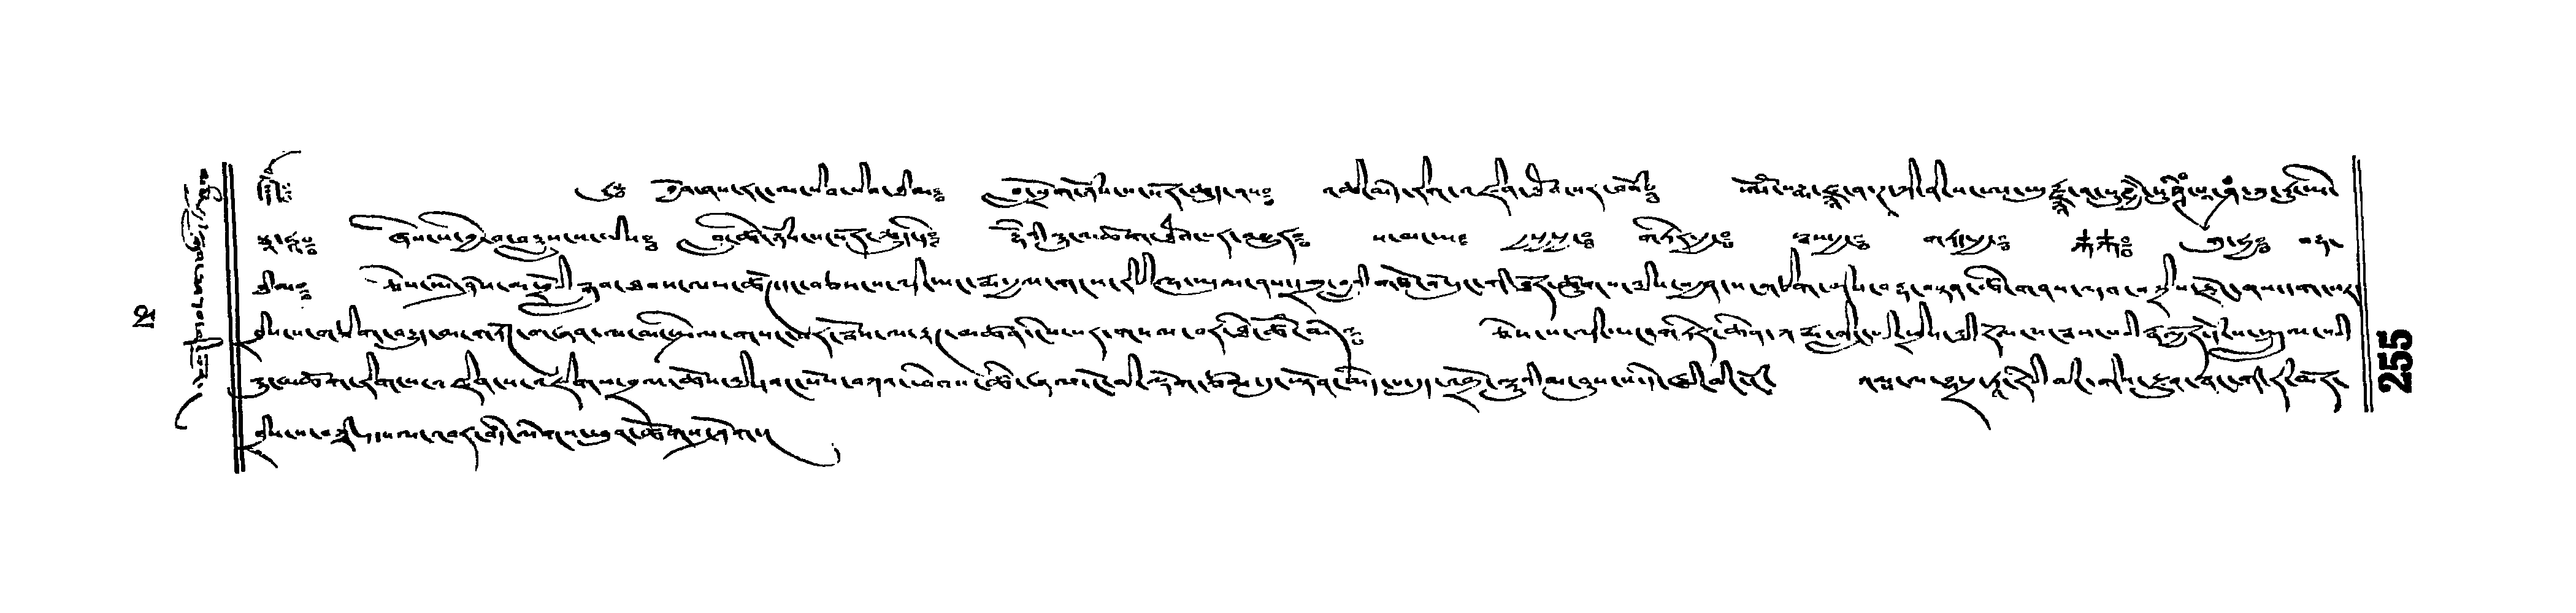རུ༔ བྱོན་ནས་རང་ལ་སིབ་སིབ་ཐིམ༔ བླ་སྲོག་ཉམས་པ་སོར་ཆུད་ནས༔ འཆི་མེད་རིག་འཛིན་ཐོབ་པར་བསམ༔ ཨོཾ་པདྨ་ཛྙཱ་ན་ཌཱ་ཀི་ནི་ས་ཨ་ཡུརྫྙཱ་ན་པུཎྱེ་པུཥྚིཾ་པཱ་ཤཾ་ཀུ་རུ་ཡེ་
སྭཱ་ཧཱཿ ཞེས་པ་བྱེ་བ་བཟླས་པ་ཡིས༔བླ་ཚེ་ཉམས་པར་སོར་ཆུད་དེ༔ རྡོ་རྗེའི་སྐུ་མཆོག་ཐོབ་པར་འགྱུར༔ ས་མ་ཡ༔ རྒྱ་རྒྱ་རྒྱ༔ གཏེར་རྒྱ༔ སྦས་རྒྱ༔ གཏད་རྒྱ༔ གུ་ཧྱ༔ བརྡ་
ཐིམ༔ ཅེས་ཡེ་ཤེས་མཁའ་འགྲོའི་སྒྲུབ་ཐབས་ལས་ཚོགས་དང་བཅས་པ་འདི་ཡང་རྨ་རྒྱལ་གངས་རིའི་ལྷ་ཡུལ་ནས་དགྲ་བླའི་གཙོ་བོ་དུང་གི་ཐོར་ཚུགས་ཀྱིས་བརྒྱན་པ་གཅིག་གིས་བརྡ་བསྟན་ཚེ་གནས་འདབས་བཀྲ་ཤིས་རྫོང་ནས་དག་པར་
བྲིས་པ་གཅིག་བརྒྱུད་མ་གཏོགས་གཞན་ལ་མ་སྤེལ་གསང་བར་སྦས་ན་རྟགས་མཚན་ངེས་པར་གསལ་བར་ཐེ་ཚོམ་མེད༔ ཅེས་པ་འདི་ཡང་གཏེར་ཆེན་ཀརྨ་གླིང་པའི་ཕྲིན་ལས་ཀྱི་རོལ་པ་སྦས་པའི་རྣལ་འབྱོར་དམ་པ་སྤྲུལ་པའི་
སྐུ་མཆོག་རིག་པ་འཛིན་པ་འཇིགས་བྲལ་ཆོས་ཀྱི་དབང་པོས་བཀའ་ཕེབས་ཚེ་ཞལ་ངོ་མི་ལྡོག་ཙམ་དུ་ཡོན་ཏན་མེད་པ་དུད་འགྲོ་ལྟ་བུའི་མ་ནུས་པ་དེ་ཝའི་མིང་ངམ། ཀལྤ་ལ་བྷ་དྲ་ཏཱ་རེའི་མིང་གིས་རྫུན་སྣང་གི་རི་མོར་
བྲིས་པ་བཀྲ་ཤིས་དཔལ་འབར་བདེ་ལེགས་ཕུན་ཚོགས་ཤོག །།